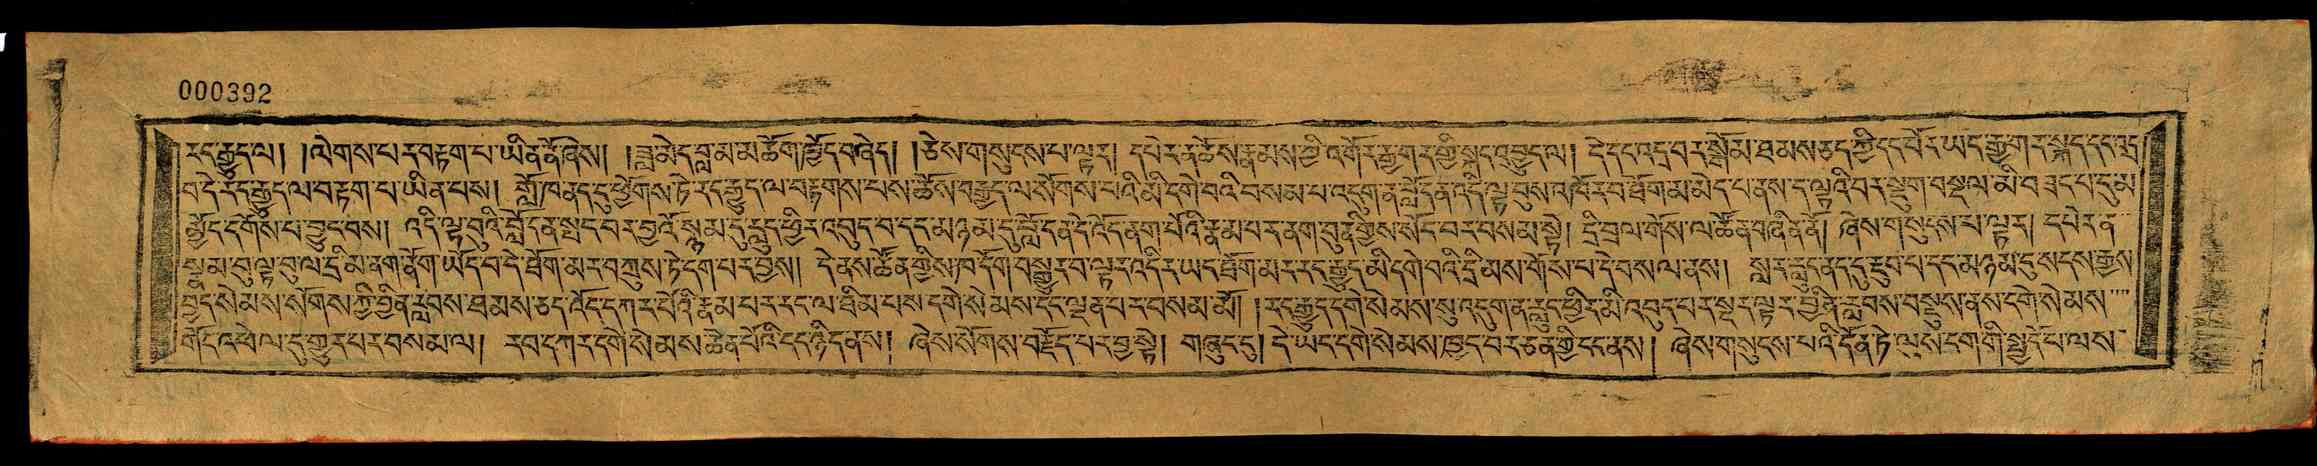རང་རྒྱུད་ལ། །ལེགས་པར་བརྟག་པ་ཡིན་ནོ་ཞེས། །ཟླ་མེད་བླ་མ་མཆོག་ཁྱོད་བཞེད། །ཅེས་གསུངས་པ་ལྟར། དཔེར་ན་ཆོས་རྣམས་ཀྱི་འགོར་རྒྱ་གར་གྱི་སྐད་འབྱུང་ལ། དེ་དང་འདྲ་བར་སྒོམ་ཐམས་ཅད་ཀྱི་དང་པོར་ཡང་རྒྱ་གར་སྐད་དང་འདྲ་
བ་དེ་རང་རྒྱུད་ལ་བརྟག་པ་ཡིན་པས། བློ་ཁ་ནང་དུ་ཕྱོགས་ཏེ་རང་རྒྱུད་ལ་བརྟགས་པས་ཆོས་བརྒྱད་ལ་སོགས་པའི་མི་དགེ་བའི་བསམ་པ་འདུག་ན་བློ་ངན་འདི་ལྟ་བུས་འཁོར་བ་ཐོག་མ་མེད་པ་ནས་ད་ལྟའི་བར་སྡུག་བསྔལ་མི་བཟད་པ་དུ་མ་
མྱོང་དགོས་པ་བྱུང་བས། འདི་ལྟ་བུའི་བློ་ངན་སྤང་བར་བྱའོ་སྙམ་དུ་རླུང་ཕྱིར་འབུད་པ་དང་མཉམ་དུ་བློ་ངན་དེ་འོད་ནག་པོའི་རྣམ་པར་ནག་བུན་གྱིས་སོང་བར་བསམ་སྟེ། དྲི་བྲལ་གོས་ལ་ཚོན་བཞིན་ནོ། ཞེས་གསུངས་པ་ལྟར། དཔེར་ན་
སྣམ་བུ་ལྟ་བུ་ལ་དྲི་མ་ནག་ནོག་ཡོད་པ་དེ་ཐོག་མར་བཀྲུས་ཏེ་དག་པར་བྱས། དེ་ནས་ཚོན་གྱིས་ཁ་དོག་བསྒྱུར་བ་ལྟར་འདིར་ཡང་ཐོག་མར་རང་རྒྱུད་མི་དགེ་བའི་དྲི་མས་གོས་པ་དེ་བསལ་ནས། སླར་རླུང་ནང་དུ་རྡུབ་པ་དང་མཉམ་དུ་སངས་རྒྱས་
བྱང་སེམས་སོགས་ཀྱི་བྱིན་རླབས་ཐམས་ཅད་འོད་དཀར་པོའི་རྣམ་པར་རང་ལ་ཐིམ་པས་དགེ་སེམས་དང་ལྡན་པར་བསམ་མོ། །རང་རྒྱུད་དགེ་སེམས་སུ་འདུག་ན་རླུང་ཕྱིར་མི་འབུད་པར་སྔར་ལྟར་བྱིན་རླབས་བསྡུས་ནས་དགེ་སེམས་
གོང་འཕེལ་དུ་གྱུར་པར་བསམ་ལ། རབ་དཀར་དགེ་སེམས་ཆེན་པོའི་ངང་ཉིད་ནས། ཞེས་སོགས་བརྗོད་པར་བྱ་སྟེ། གཞུང་དུ། དེ་ཡང་དགེ་སེམས་ཁྱད་པར་ཅན་གྱི་ངང་ནས། ཞེས་གསུངས་པའི་དོན་ཏེ་ལུས་ངག་གི་སྤྱོད་པ་ལས་